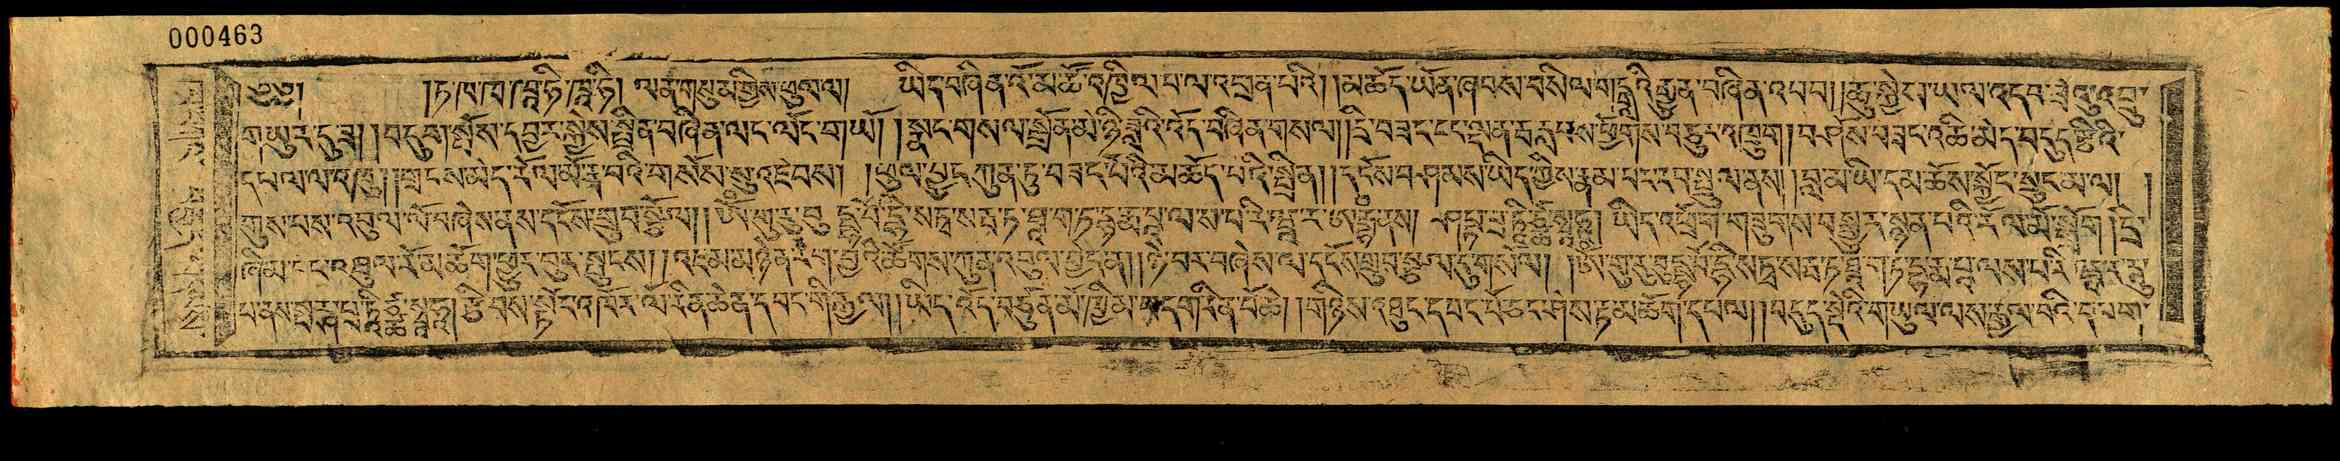༄༅། །ཏ་ཁ་ཁ་ཁཱ་ཧི་ཁཱ་ཧི། ལན་གསུམ་གྱིས་ཕུལ་ལ།  ཡིད་བཞིན་འོ་མཚོ་འཁྱིལ་བ་ལ་འགྲན་པའི། །མཆོད་ཡོན་ཞབས་བསིལ་གངྒའི་རྒྱུན་བཞིན་འབབ། །ཆུ་སྐྱེས་ཡལ་འདབ་ཟེའུ་འབྲུ་
གཡུར་དུ་ཟ། །བདུག་སྤོས་དབྱར་སྐྱེས་སྤྲིན་བཞིན་ལང་ལོང་གཡོ། །སྣང་གསལ་སྒྲོན་མེ་ཉི་ཟླའི་འོད་བཞིན་གསལ། །དྲི་བཟང་ངང་ལྡན་རྦ་རླབས་ཕྱོགས་བཅུར་འཁྲུག །བཤོས་བཟང་འཆི་མེད་བདུད་རྩིའི་
དཔལ་ལ་འཁུ། །གྲངས་མེད་རོལ་མོ་རྣ་བའི་གསོས་སུ་འཇེབས། །ཕུལ་བྱུང་ཀུན་ཏུ་བཟང་པོའི་མཆོད་པའི་སྤྲིན། །དངོས་བཤམས་ཡིད་ཀྱིས་རྣམ་པར་རབ་སྤྲུལ་ནས། །བླ་མ་ཡི་དམ་ཆོས་སྐྱོང་སྲུང་མ་ལ། །
གུས་པས་འབུལ་ལོ་བཞེས་ནས་དངོས་གྲུབ་སྩོལ། །ཨོཾ་གུ་རུ་བུདྡྷ་བོ་དྷི་སཏྭ་སརྦ་ཏ་ཐཱ་ག་ཏ་དྷརྨ་པཱ་ལ་ས་པ་རི་ཝཱ་ར་ཨརྒྷཾ་ནས། ཤཔྟ་པྲ་ཏཱི་ཙྪ་སྭཱ་ཧཱ། ཡིད་འཕྲོག་གཟུགས་བསྒྱུར་སྙན་པའི་རོལ་མོ་སྒྲོག །དྲི་
ཞིམ་ངང?་འཐུལ་རོ་མཆོག་ཕྱུར་བུར་སྤུངས། །འཇམ་མཉེན་རེག་བྱའི་ཚོགས་ཀུན་འབུལ་བྱེད་ན། །ཉེ་བར་བཞེས་ལ་དངོས་གྲུབ་སྩལ་དུ་གསོལ། །ཨོཾ་གུ་རུ་བུ་དྡྷ་བོ་དྷི་སཏྭ་སརྦ་ཏ་ཐཱ་ག་ཏ་དྷརྨ་པཱ་ལ་ས་པ་རི་ཝཱ་ར་རཱུ་
པ་ནས་སྤརྴ་པྲ་ཏཱི་ཙྪ་སྭཱ་ཧཱ། རྩིབས་སྟོང་འཁོར་ལོ་རིན་ཆེན་དབང་གི་རྒྱལ། །ཡིད་འོང་བཙུན་མོ་ཁྱིམ་བདག་རིན་པོ་ཆེ། །གཉིས་འཐུང་དབང་པོ་ཅང་ཤེས་རྟ་མཆོག་དཔལ། །བདུད་སྡེའི་གཡུལ་ལས་རྒྱལ་བའི་དམག་